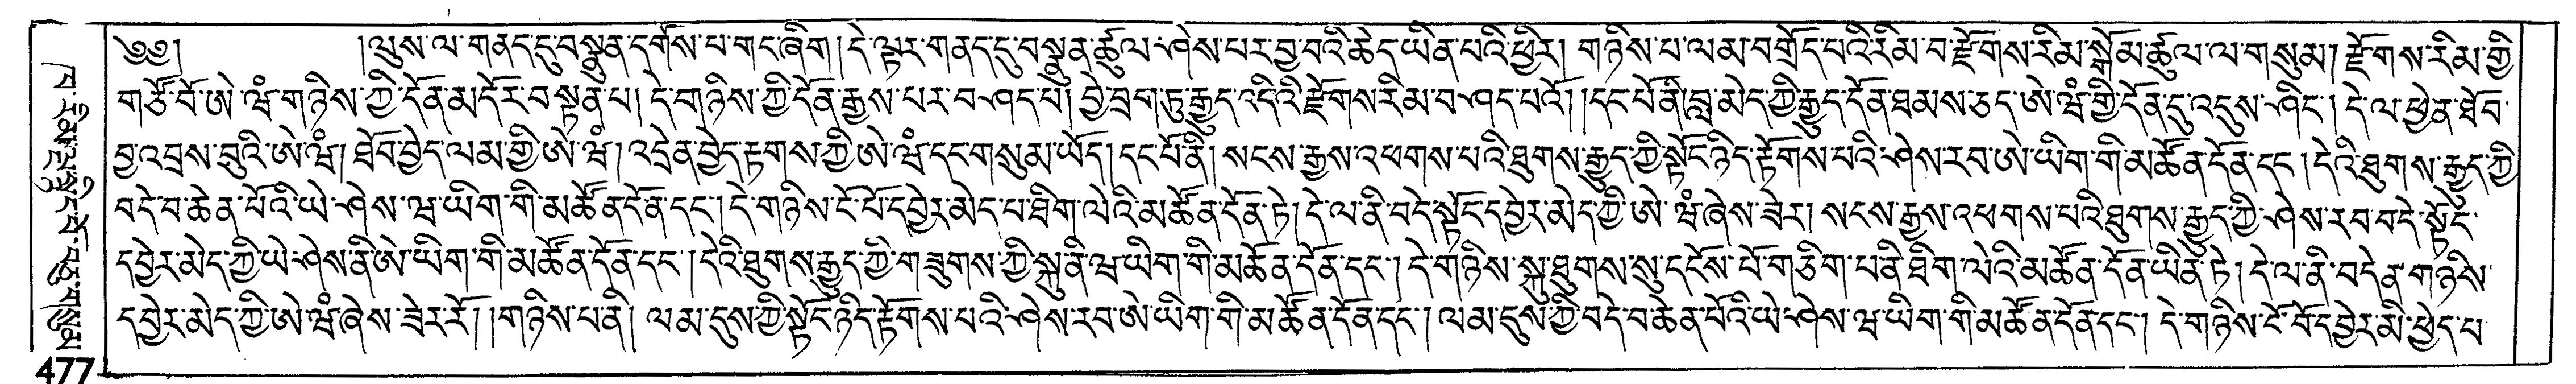༄༅། །ལུས་ལ་གནད་དུ་བསྣུན་དགོས་པ་གང་ཞིག །དེ་ལྟར་གནད་དུ་བསྣུན་ཚུལ་ཤེས་པར་བྱ་བའི་ཆེད་ཡིན་པའི་ཕྱིར། གཉིས་པ་ལམ་བགྲོད་པའི་རིམ་བ་རྫོགས་རིམ་སྒོམ་ཚུལ་ལ་གསུམ། རྫོགས་རིམ་གྱི་
གཙོ་བོ་ཨེ་ཝཾ་གཉིས་ཀྱི་དོན་མདོར་བསྟན་པ། དེ་གཉིས་ཀྱི་དོན་རྒྱས་པར་བཤད་པ། བྱེ་བྲག་ཏུ་རྒྱུད་འདིའི་རྫོགས་རིམ་བཤད་པའོ། །དང་པོ་ནི། བླ་མེད་ཀྱི་རྒྱུད་དོན་ཐམས་ཅད་ཨེ་ཝཾ་གྱི་དོན་དུ་འདུས་ཤིང་། དེ་ལ་ཕྱེ་ན་ཐོབ་
བྱ་འབྲས་བུའི་ཨེ་ཝཾ། ཐོབ་བྱེད་ལམ་གྱི་ཨེ་ཝཾ། འདྲེན་བྱེད་རྟགས་ཀྱི་ཨེ་ཝཾ་དང་གསུམ་ཡོད། དང་པོ་ནི། སངས་རྒྱས་འཕགས་པའི་ཐུགས་རྒྱུད་ཀྱི་སྟོང་ཉིད་རྟོགས་པའི་ཤེས་རབ་ཨེ་ཡིག་གི་མཚོན་དོན་དང་། དེའི་ཐུགས་རྒྱུད་ཀྱི་
བདེ་བ་ཆེན་པོའི་ཡེ་ཤེས་ཝ་ཡིག་གི་མཚོན་དོན་དང་། དེ་གཉིས་ངོ་བོ་དབྱེར་མེད་པ་ཐིག་ལེའི་མཚོན་དོན་ཏེ། དེ་ལ་ནི་བདེ་སྟོང་དབྱེར་མེད་ཀྱི་ཨེ་ཝཾ་ཞེས་ཟེར། སངས་རྒྱས་འཕགས་པའི་ཐུགས་རྒྱུད་ཀྱི་ཤེས་རབ་བདེ་སྟོང་
དབྱེར་མེད་ཀྱི་ཡེ་ཤེས་ནི་ཨེ་ཡིག་གི་མཚོན་དོན་དང་། དེའི་ཐུགས་རྒྱུད་ཀྱི་གཟུགས་ཀྱི་སྐུ་ནི་ཝ་ཡིག་གི་མཚོན་དོན་དང་། དེ་གཉིས་སྐུ་ཐུགས་སུ་དངོས་པོ་གཅིག་པ་ནི་ཐིག་ལེའི་མཚོན་དོན་ཡིན་ཏེ། དེ་ལ་ནི་བདེན་གཉིས་
དབྱེར་མེད་ཀྱི་ཨེ་ཝཾ་ཞེས་ཟེར་རོ། །གཉིས་པ་ནི། ལམ་དུས་ཀྱི་སྟོང་ཉིད་རྟོགས་པའི་ཤེས་རབ་ཨེ་ཡིག་གི་མཚོན་དོན་དང་། ལམ་དུས་ཀྱི་བདེ་བ་ཆེན་པོའི་ཡེ་ཤེས་ཝ་ཡིག་གི་མཚོན་དོན་དང་། དེ་གཉིས་ངོ་བོ་དབྱེར་མི་ཕྱེད་པ་